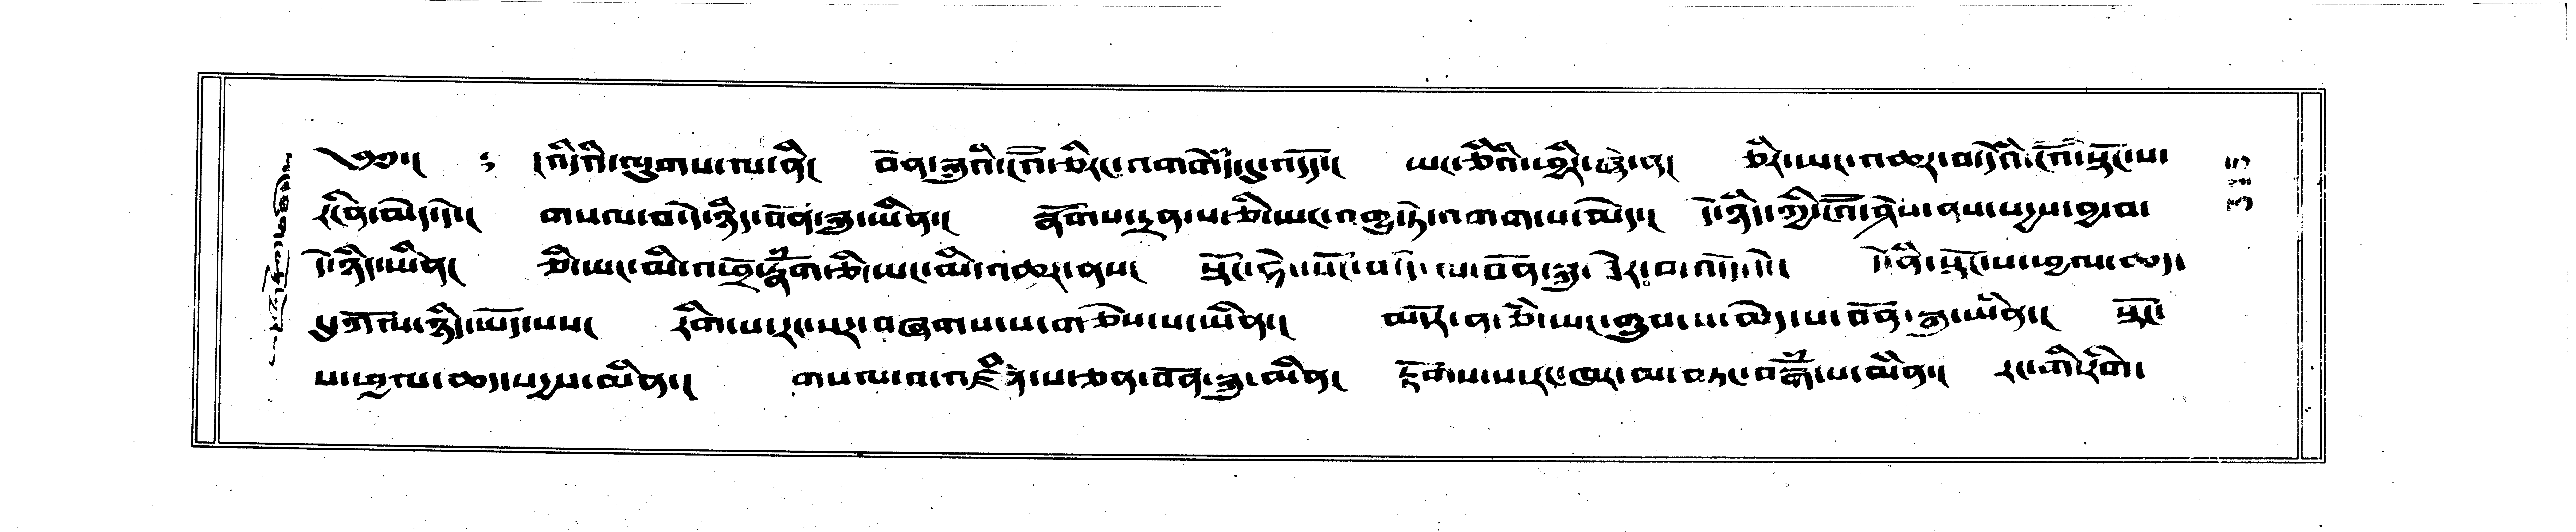འདིའི་ལུགས་ལས་ནི། བོན་སྐུའི་ངོའོ་ཅིར་ཡ་འཆར་ཏེ། གྷག་(འགག)མེད་ཅིག་དུ་འདོད། དེ་ཡང་ཅིའི་ཕྱིར་ཞེ་ན། ཅིར་ཡང་འཆར་བ་དེའི་ངོའོ་སྟོང་པ་
རང་བཞིན་མེད་དེ་གསལ་བ་དེ་ཉིད་བོན་སྐུ་ཡིན། སྣ་ཚོགས་དྲན་པ་ཅི་ཡང་འགྱུ་སྟེ་གྷག་(ཌྷགག)པ་མེད་པ་དེ་ཉིད་ཀྱིས་ངོའོ་ཤེས་ན་སངས་རྒྱས་བྱ་བ་
དེ་ཀ་ཡིན། ཅི་ཡང་མི་འཕྲོ་རྣམ་རྟོག་ཅི་ཡང་མི་འཆར་ནས། སྟོང་ཧེད་དེ་སོང་བ་དེ་ལ་བོན་སྐུ་ཟེར་བ་འདོད་སྟེ། དེ་ནི་སྟོང་པ་ཕྱལ་ཆད་
དུ་གོལ་ཉེས་ཡོད་པས། རིག་པ་རང་སོར་བཞག་པ་གཅེས་པ་ཡིན། མདོར་ན་ཅིར་ཡང་འཆར་ཏེ། ཅིར་ཡང་གྲུབ་པ་མེད་པ་དེ་བོན་སྐུ་ཡིན། སྟོང་
པ་ཕྱལ་ཆད་སངས་རྒྱས་མེན། གསལ་བ་འཛིན་ཅན་བོན་སྐུ་མིན། རྟོག་པ་རང་ཁར་བཏང་པ་སྒོམ་པ་མེན། རང་གིས་རིག་